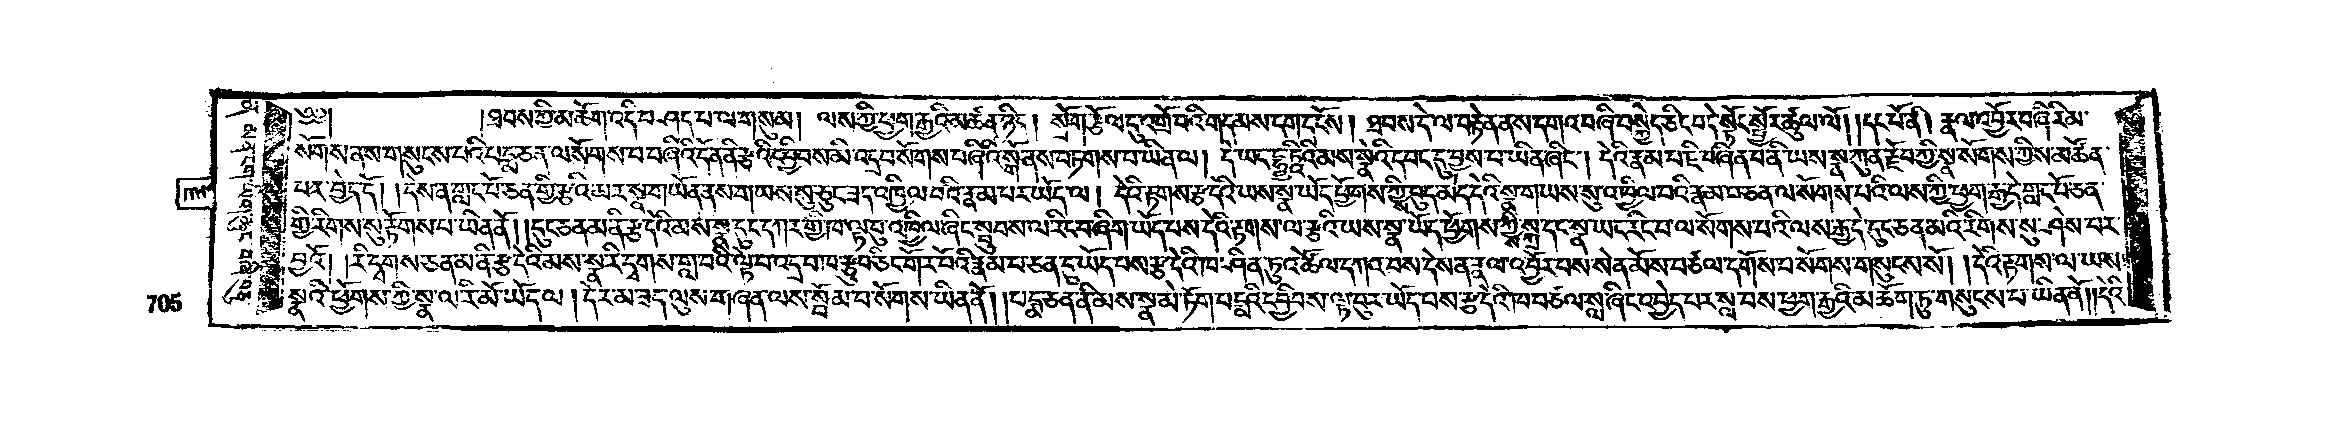༄༅། །ཐབས་ཀྱི་མཆོག་འདི་བཤད་པ་ལ་གསུམ། ལས་ཀྱི་ཕྱག་རྒྱའི་མཚན་ཉིད། སྲོག་རྩོལ་དུ་འགྲོ་བའི་གདམས་ངག་དངོས། ཐབས་དེ་ལ་བརྟེན་ནས་དགའ་བཞི་བསྐྱེད་ཅིང་བདེ་སྟོང་སྦྱོར་ཚུལ་ལོ། །དང་པོ་ནི། རྣལ་འབྱོར་བཞི་རིམ་
སོགས་ནས་གསུངས་པའི་པདམ་ཅན་ལ་སོགས་པ་བཞིའི་དོན་ནི་རྩའི་དབྱིབས་མི་འདྲ་བ་སོགས་བཞིའི་སྒོ་ནས་བཏགས་པ་ཡིན་ལ། དེ་ཡང་དྷཱུ་ཏཱིའི་མས་སྣེའི་དབང་དུ་བྱས་པ་ཡིན་ཞིང་། དེའི་རྣམ་པ་ཇི་བཞིན་པ་ནི་ཡས་སྣ་ཀུན་རྫོབ་ཀྱི་སྣ་སོགས་ཀྱིས་མཚོན་
པར་བྱེད་དོ། །དེས་ན་གླང་པོ་ཅན་གྱི་རྩའི་མར་སྣ་གཡོན་ནས་གཡས་སུ་ཅུང་ཟད་འཁྱིལ་བའི་རྣམ་པར་ཡོད་ལ། དེའི་རྟགས་རྩ་དེའི་ཡས་སྣ་ཡོད་ཕྱོགས་ཀྱིས་བུད་མེད་དེའི་སྣ་གཡས་སུ་འཁྱིལ་བའི་རྣམ་པ་ཅན་ལ་སོགས་པའི་ལས་ཀྱི་ཕྱག་རྒྱ་དེ་གླང་པོ་ཅན་
གྱི་རིགས་སུ་རྟོགས་པ་ཡིན་ནོ། །དུང་ཅན་མ་ནི་རྩ་དེའི་མས་སྣ་དུང་དཀར་གྱི་ཁ་ལྟ་བུ་འཁྱིལ་ཞིང་སྦུབས་ལ་རིང་བ་ཞིག་ཡོད་པས་དེའི་རྟགས་ལ་རྩའི་ཡས་སྣ་ཡོད་ཕྱོགས་ཀྱིས་སྐྲ་དང་སྣ་ཡང་རིང་བ་ལ་སོགས་པའི་ལས་རྒྱ་དེ་དུང་ཅན་མའི་རིགས་སུ་ཤེས་པར་
བྱའོ། །རི་དྭགས་ཅན་མ་ནི་རྩ་དེའི་མས་སྣ་རི་དྭགས་གླ་བའི་ལྟེ་བ་འདྲ་བ་ཁ་རྩུབ་ཅིང་གོར་པོའི་རྣམ་པ་ཅན་དུ་ཡོད་པས་རྩ་དེའི་ཁ་ཤིན་ཏུ་འཚོལ་དཀའ་བས་དེས་ན་རྣལ་འབྱོར་པས་སེན་མོས་བཙལ་དགོས་པ་སོགས་གསུངས་སོ། །དེའི་རྟགས་ལ་ཡས་
སྣའི་ཕྱོགས་ཀྱི་སྣ་ལ་རི་མོ་ཡོད་ལ། དེར་མ་ཟད་ལུས་གཞན་ལས་སྦོམ་པ་སོགས་ཡིན་ནོ། །པདམ་ཅན་ནི་མས་སྣ་མེ་ཏོག་པདམའི་དབྱིབས་ལྟ་བུར་ཡོད་པས་རྩ་དེའི་ཁ་བཙལ་སླ་ཞིང་འབྱེད་པར་སླ་བས་ཕྱག་རྒྱའི་མཆོག་ཏུ་གསུངས་པ་ཡིན་ནོ། །དེའི་